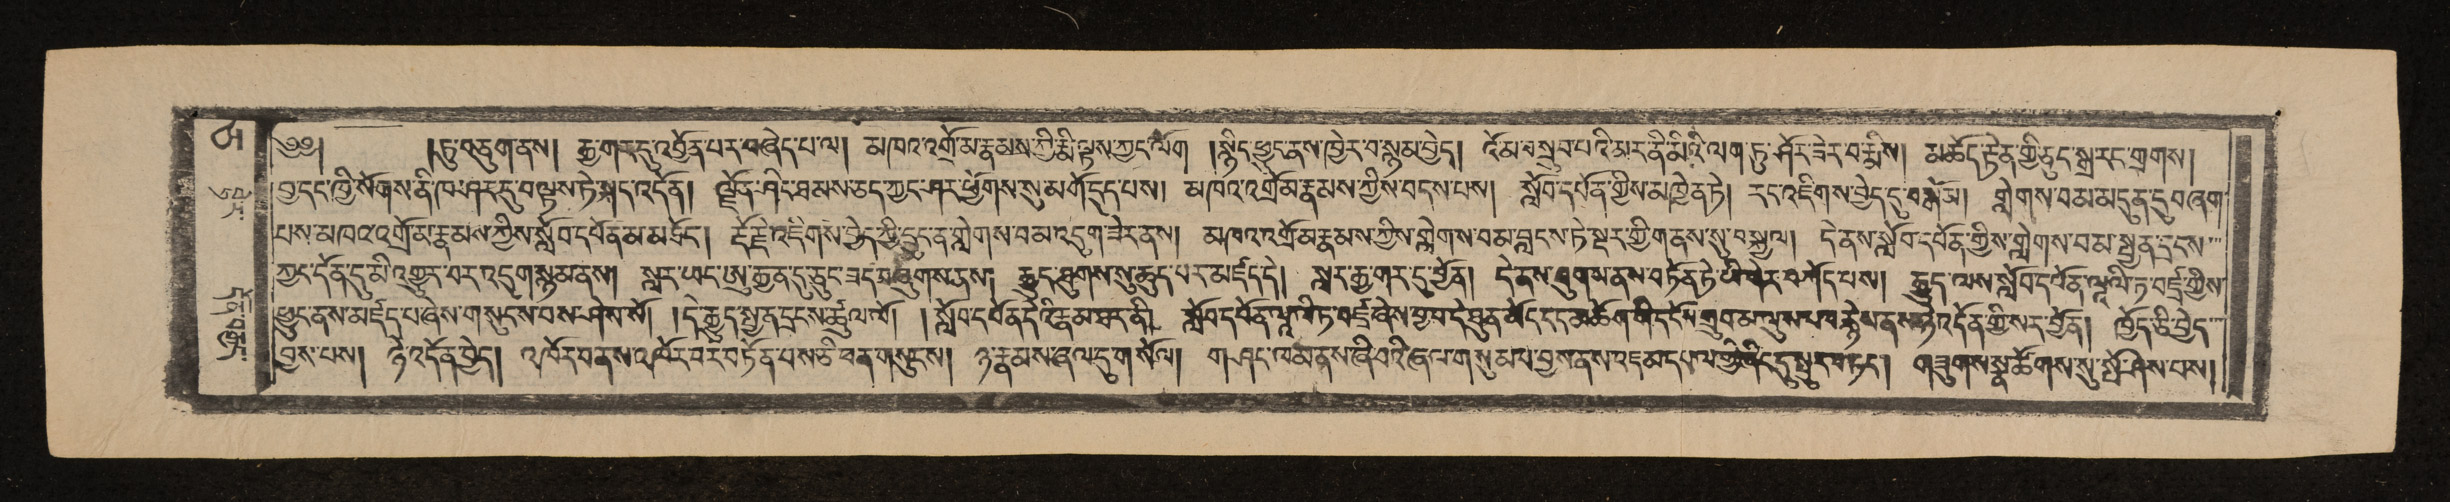༄༅། །ཏུ་བཅུག་ནས། རྒྱ་གར་དུ་འབྱོན་པར་བཞེད་པ་ལ། མཁའ་འགྲོ་མ་རྣམས་ཀྱི་རྨི་ལྟས་ཀྱང་ལོག །སྙིང་ཕྱུང་ནས་ཁྱེར་བ་སྙམ་བྱེད། འོ་མ་བསླུབ་པའི་མར་ནི་མིའི་ལག་ཏུ་ཤོར་ཟེར་བ་རྨིས། མཆོད་རྟེན་གྱི་ཅུང་སྒྲ་རང་གྲགས།
བྱ་དང་ཁྱི་སོགས་ནི་ཁ་ཤར་དུ་བལྟས་ཏེ་སྐད་འདོན། ལྗོན་ཤིང་ཐམས་ཅད་ཀྱང་ཤར་ཕྱོགས་སུ་མགོ་དུད་བས། མཁའ་འགྲོ་མ་རྣམས་ཀྱིས་འདས་པས། སློབ་དཔོན་གྱིས་མཁྱེན་ཏེ། རང་འཇིགས་བྱེད་དུ་བསྒོམ། གླེགས་བམ་མདུན་དུ་བཞག་
བས་མཁའ་འགྲོ་མ་རྣམས་ཀྱིས་སློབ་དཔོན་མ་མཐོང་། རྡོ་རྗེ་འཇིགས་བྱེད་ཀྱི་དྲུང་ན་གླེགས་བམ་འདུག་ཟེར་ནས། མཁའ་འགྲོ་མ་རྣམས་ཀྱིས་གླེགས་བམ་བླངས་ཏེ་སྔར་གྱི་གནས་སུ་བསྐྱལ། དེ་ནས་སློབ་དཔོན་གྱིས་གླེགས་བམ་སྤྱན་དྲངས་
ཀྱང་དོན་དུ་མི་འགྱུར་བར་འདུག་སྙམ་ནས། སླར་ཡང་ཨུ་རྒྱན་དུ་ཅུང་ཟད་བཞུགས་ནས། རྒྱུད་ཐུགས་སུ་ཆུད་པར་མཛད་དེ། སླར་རྒྱ་གར་དུ་བྱོན། དེ་ནས་ཐུགས་ནས་བཏོན་ཏེ་ཡི་གེར་བཀོད་པས། རྒྱུད་ལས་སློབ་དཔོན་ལཱ་ལི་ཏ་བཛྲ་གྱིས་
ཕྱུང་ནས་མཛད་པ་ཞེས་གསུངས་པས་ཤེས་སོ། །དེ་རྒྱུད་སྤྱན་དྲངས་ཚུལ་ལོ། །སློབ་དཔོན་དེའི་རྣམ་ཐར་ནི། སློབ་དཔོན་ལཱ་ལི་ཏ་བཛྲ་ཞེས་བྱ་བ་དེ་ཐུན་མོང་དང་མཆོག་གི་དངོས་གྲུབ་མ་ལུས་པ་བརྙེས་ནས་ཉེ་འདོན་གྱི་སར་བྱོན། ཁྱོད་ཅི་བྱེད་
བྱས་པས། ཉེ་འདོན་བྱེད། འཁོར་བ་ནས་འཁོར་བར་བཏོན་པས་ཅི་ཕན་གསུངས། ཉ་རྣམས་ཞལ་དུ་གསོལ། གཤང་ལམ་ནས་ཞི་བའི་ཞལ་གསུམ་པ་བྱས་ནས་འཇམ་དཔལ་གྱི་ཞིང་དུ་སྤུར་བཏང་། གཟུགས་སྣ་ཚོགས་སུ་སྤོ་ཤེས་པས།